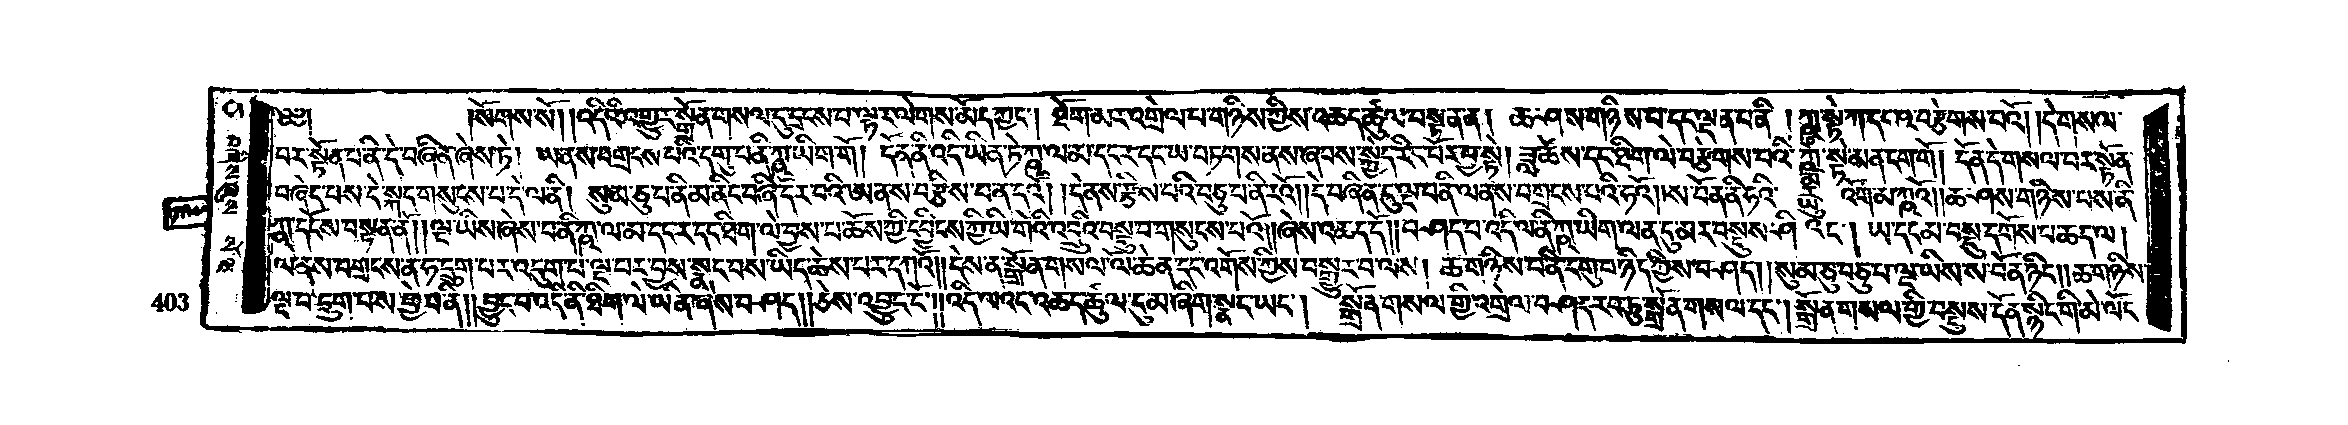༄༅། །སོགས་སོ། །འདིའི་འགྱུར་སྒྲོན་གསལ་དུ་དྲངས་པ་ལྟར་ལེགས་མོད་ཀྱང་། ཐོག་མར་འགྲེལ་པ་གཉིས་ཀྱིས་འཆད་ཚུལ་བསྟན་ན། ཆ་ཤས་གཉིས་པ་དང་ལྡན་པ་ནི། ཀྵ་སྟེ་ཀ་དང་ཥ་བརྩེགས་པའོ། །དེ་གསལ་
བར་སྟོན་པ་ནི་དེ་བཞིན་ཞེས་ཏེ། ཡ་ནས་བགྲངས་པའི་དགུ་པ་ནི་ཀྵ་ཡིག་གོ །དོན་ནི་འདི་ཡིན་ཏེ་ཀྵ་ལ་མ་དང་ར་དང་ཡ་བཏགས་ནས་ཞབས་སྐྱེད་རིང་པར་བྱ་སྟེ། ཟླ་ཚེས་དང་ཐིག་ལེ་བརྩེགས་པའི་ཀྵྨྲྱུཾ་སྟེ་མན་ངག་གོ །དོན་དེ་གསལ་བར་སྟོན་
བཞེད་པས་དེ་སྐད་གསུངས་པ་དེ་ལ་ནི། སུམ་ཅུ་པ་ནི་མ་ནིང་བཞི་དོར་བའི་ཨ་ནས་བརྩིས་པ་ན་དའོ། །དེ་ནས་རྩིས་པའི་བཅུ་པ་ནི་རའོ། །དེ་བཞིན་དུ་ལྔ་པ་ནི་ལ་ནས་བགྲངས་པའི་ཧའོ། །ས་བོན་ནི་ཧའི་འོག་མ་ཀྵའོ། །ཆ་ཤས་གཉིས་པས་ནི་
ཀྵ་དངོས་བསྟན་ནོ། །ལྔ་ཡིས་ཞེས་པ་ནི་ཀྵ་ལ་མ་དང་ར་དང་ཐིག་ལེ་བྱས་པ་ཆོས་ཀྱི་དབྱིངས་ཀྱི་ཡི་གེའི་འབྲུའི་བསྡུ་བ་གསུངས་པའོ། །ཞེས་འཆད་དོ། །བཤད་པ་འདི་ལ་ནི་ཀྵ་ཡིག་ལན་དུ་མར་བསྡུས་ཤིའང་། ཡ་དང་མ་བསྡུ་དགོས་པ་ཆད་ལ།
ལ་ནས་བགྲངས་ན་ཧ་དྲུག་པར་འདུག་པ་ལྔ་པར་བྱས་སྣང་བས་ཡིད་ཆེས་པར་དཀའོ། །དེས་ན་སྒྲོན་གསལ་ལོ་ཆེན་དང་འགོས་ཀྱིས་བསྒྱུར་བ་ལས། ཆ་གཉིས་པ་ནི་དགུ་པ་ཉིད་ཀྱིས་བཤད། །སུམ་ཅུ་བཅུ་པ་ལྔ་ཡིས་ས་བོན་ཉིད། །ཆ་གཉིས་
ལྔ་པ་དྲུག་པས་ཕྱེ་བ་ནི། །བྱུང་བ་འདི་ནི་ཐིག་ལེ་ཡིན་ཞེས་བཤད། །ཅེས་འབྱུང་ངོ། །འདི་ལའང་འཆད་ཚུལ་དུ་མ་ཞིག་སྣང་ཡང་། སྒྲོན་གསལ་གྱི་འགྲེལ་བཤད་རབ་ཏུ་སྒྲོན་གསལ་དང་། སྒྲོན་གསལ་གྱི་བསྡུས་དོན་སྙིང་གི་མེ་ལོང་